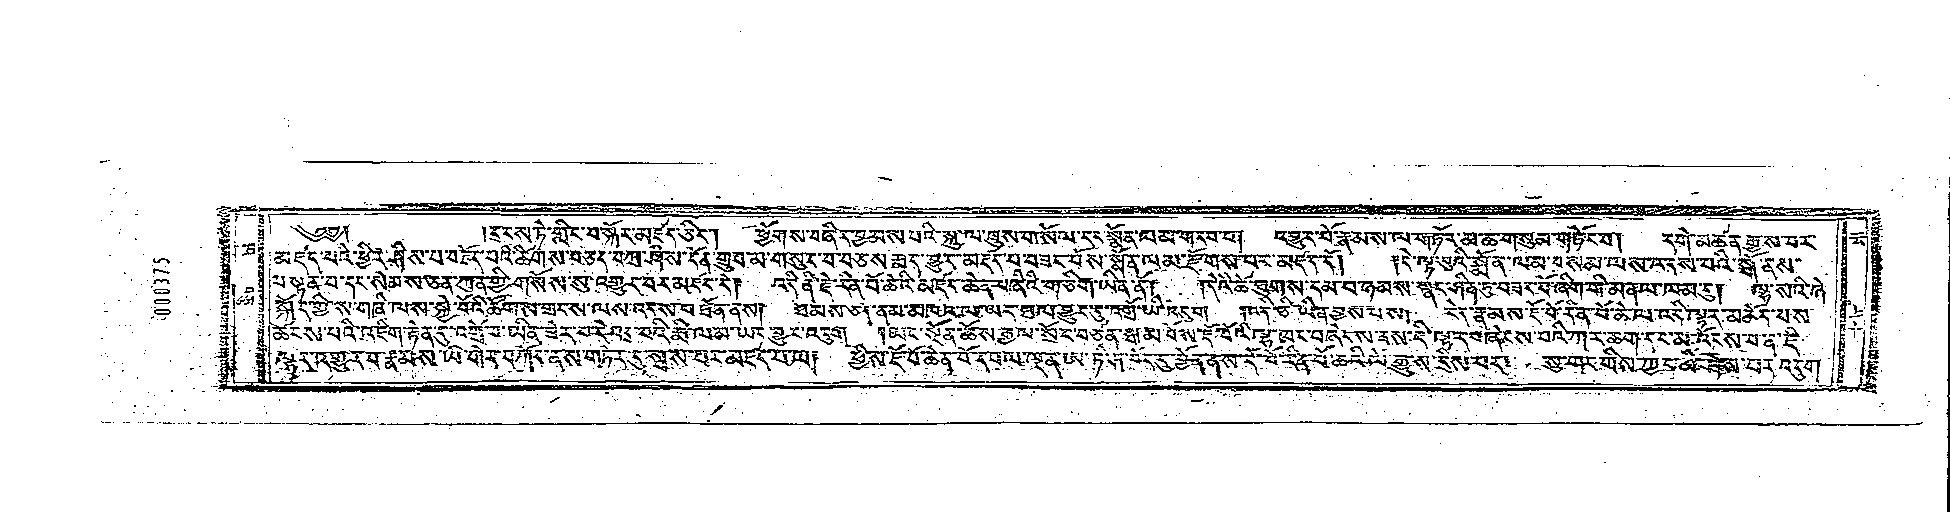༄༅། །དྲངས་ཏེ་གླིང་བསྐོར་མཛད་ཅིང་། ཕྱོགས་བཞིར་བྱམས་པའི་སྐུ་ལ་ཁྲུས་གསོལ་དང་སྨོན་ལམ་གདབ་བ། འབྱུང་པོ་རྣམས་ལ་གཏོར་མ་ཆ་གསུམ་གཏོང་བ། དགེ་མཚན་རྒྱས་པར་
མཛད་པའི་ཕྱིར་ཤིས་པ་བརྗོད་པའི་ཚིགས་བཅད་བཀྲ་ཤིས་དོན་གྲུབ་མ་གསུང་བ་བཅས་རྨད་བྱུང་མཛད་པ་བཟང་པོས་སྨོན་ལམ་རྫོགས་པར་མཛད་དོ། །དེ་ལྟ་བུའི་སྨོན་ལམ་བསམ་ལས་འདས་པའི་སྒོ་ནས་
བསྟན་པ་དང་སེམས་ཅན་ཀུན་གྱི་གསོས་སུ་འགྱུར་བར་མཛད་དེ། འདི་ནི་རྗེ་རིན་པོ་ཆེའི་མཛད་ཆེན་བཞིའི་གཅིག་ཡིན་ནོ། །དེའི་ཚེ་ཐུགས་དམ་བ་ཉམས་སྣང་ཤིན་ཏུ་བཟང་པོ་ཞིག་གི་མནལ་ལམ་དུ། ལྷ་སའི་ཉེ་
སྐོར་གྱི་ས་གཞི་ལས་སྐྱེ་བོའི་ཚོགས་གྲངས་ལས་འདས་བ་ཐོན་ནས། ཐམས་ཅད་ནམ་མཁའ་ལ་ཡང་ཐལ་བྱུང་དུ་འགྲོ་ཡི་འདུག །འདི་ཅི་ཡིན་བྱས་པས། ངེད་རྣམས་ཇོ་བོ་རིན་པོ་ཆེ་ལ་འདི་ལྟར་མཆོད་པས་
ཚངས་པའི་འཇིག་རྟེན་དུ་འགྲོ་བ་ཡིན་ཟེར་བ་དེ་འདྲ་བའི་རྨི་ལམ་ཡང་བྱུང་འདུག །ཡང་སྔོན་ཆོས་རྒྱལ་སྲོང་བཙན་སྒམ་བོས་ཇོ་བོའི་ལྷ་ཁང་བཞེངས་ནས་ཇི་ལྟར་བཞེངས་པའི་ཀར་ཆག་དང་མ་འོངས་པ་ན་ཇི་
ལྟར་འགྱུར་བ་རྣམས་ཡི་གེར་བཀོད་ནས་གཏེར་དུ་སྦས་པར་མཛད་པ་ལ། ཕྱིས་ཇོ་བོ་ཆེན་བོ་དཔལ་ལྡན་ཨ་ཏི་ཤ་བོད་དུ་བྱོན་ནས་ཇོ་བོ་རིན་པོ་ཆེའི་ལོ་རྒྱུ་ས་དྲིས་པར། སུ་གང་གིས་ཀྱང་མི་ཤེས་པར་འདུག་